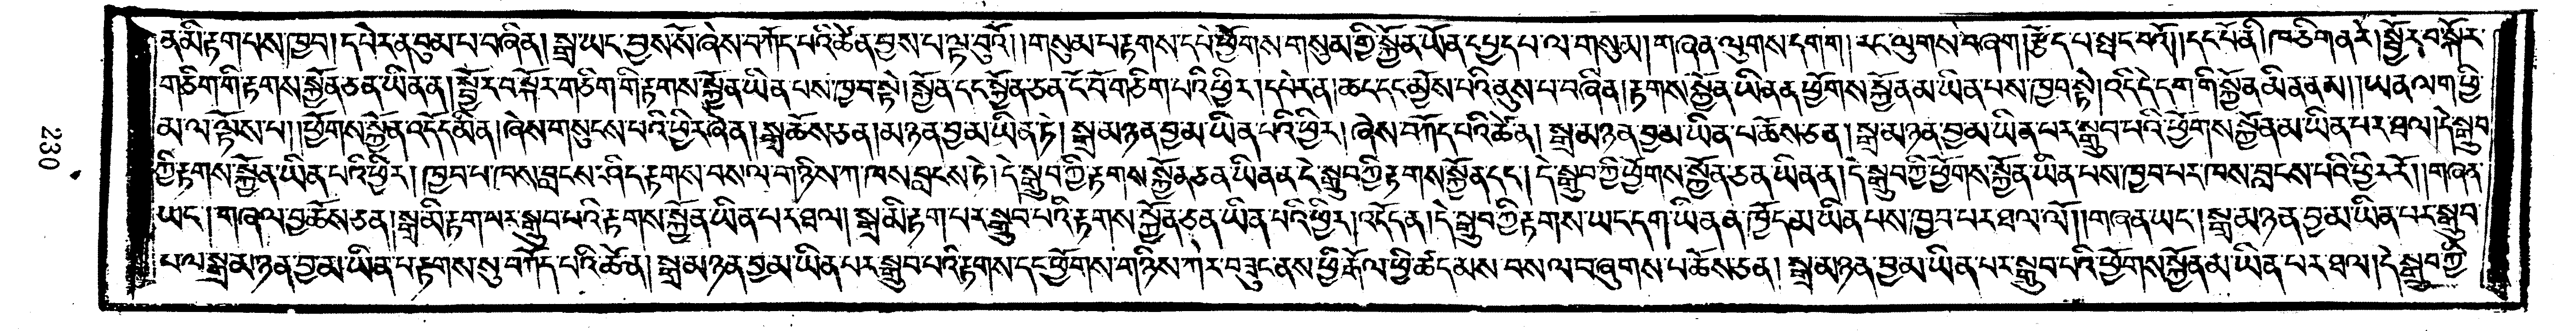ན་མི་རྟག་པས་ཁྱབ། དཔེར་ན་བུམ་པ་བཞིན། སྒྲ་ཡང་བྱས་སོ་ཞེས་བཀོད་པའི་ཚེ་ན་བྱས་པ་ལྟ་བུའོ། །གསུམ་པ་རྟགས་དཔེ་ཕྱོགས་གསུམ་གྱི་སྐྱོན་ཡོན་དཔྱད་པ་ལ་གསུམ། གཞན་ལུགས་དགག། རང་ལུགས་བཞག །རྩོད་པ་སྤང་པའོ། །དང་པོ་ནི། ཁ་ཅིག་ན་རེ། སྦྱོར་བ་སྐོར་
གཅིག་གི་རྟགས་སྐྱོན་ཅན་ཡིན་ན། སྦྱོར་བ་སྐོར་གཅིག་གི་རྟགས་སྐྱོན་ཡིན་པས་ཁྱབ་སྟེ། སྐྱོན་དང་སྐྱོན་ཅན་ངོ་བོ་གཅིག་པའི་ཕྱིར། དཔེར་ན། ཆང་དང་མྱོས་པའི་ནུས་པ་བཞིན། རྟགས་སྐྱོན་ཡིན་ན་ཕྱོགས་སྐྱོན་མ་ཡིན་པས་ཁྱབ་སྟེ། འདི་དེ་དག་གི་སྐྱོན་མིན་ནམ། །ཡན་ལག་ཕྱི་
མ་ལ་ལྟོས་པ། །ཕྱོགས་སྐྱོན་འདོད་མིན། ཞེས་གསུངས་པའི་ཕྱིར་ཞེ་ན། སྒྲ་ཆོས་ཅན། མཉན་བྱ་མ་ཡིན་ཏེ། སྒྲ་མཉན་བྱ་མ་ཡིན་པའི་ཕྱིར། ཞེས་བཀོད་པའི་ཚེ་ན། སྒྲ་མཉན་བྱ་མ་ཡིན་པ་ཆོས་ཅན། སྒྲ་མཉན་བྱ་མ་ཡིན་པར་སྒྲུབ་པའི་ཕྱོགས་སྐྱོན་མ་ཡིན་པར་ཐལ། དེ་སྒྲུབ་
ཀྱི་རྟགས་སྐྱོན་ཡིན་པའི་ཕྱིར། ཁྱབ་པ་ཁས་བླངས་ཤིང་རྟགས་བསལ་གཉིས་ཀ་ཁས་བླངས་ཏེ། དེ་སྒྲུབ་ཀྱི་རྟགས་སྐྱོན་ཅན་ཡིན་ན་དེ་སྒྲུབ་ཀྱི་རྟགས་སྐྱོན་དང་། དེ་སྒྲུབ་ཀྱི་ཕྱོགས་སྐྱོན་ཅན་ཡིན་ན། དེ་སྒྲུབ་ཀྱི་ཕྱོགས་སྐྱོན་ཡིན་པས་ཁྱབ་པར་ཁས་བླངས་པའི་ཕྱིར་རོ། །གཞན་
ཡང་། གཞལ་བྱ་ཆོས་ཅན། སྒྲ་མི་རྟག་པར་སྒྲུབ་པའི་རྟགས་སྐྱོན་ཡིན་པར་ཐལ། སྒྲ་མི་རྟག་པར་སྒྲུབ་པའི་རྟགས་སྐྱོན་ཅན་ཡིན་པའི་ཕྱིར། འདོད་ན། དེ་སྒྲུབ་ཀྱི་རྟགས་ཡང་དག་ཡིན་ན་ཁྱོད་མ་ཡིན་པས་ཁྱབ་པར་ཐལ་ལོ། །གཞན་ཡང་། སྒྲ་མཉན་བྱ་མ་ཡིན་པར་སྒྲུབ་
པ་ལ་སྒྲ་མཉན་བྱ་མ་ཡིན་པ་རྟགས་སུ་བཀོད་པའི་ཚེ་ན། སྒྲ་མཉན་བྱ་མ་ཡིན་པར་སྒྲུབ་པའི་རྟགས་དང་ཕྱོགས་གཉིས་ཀར་བཟུང་ནས་ཕྱི་རྒོལ་གྱི་ཚད་མས་བསལ་བ་ཞུགས་པ་ཆོས་ཅན། སྒྲ་མཉན་བྱ་མ་ཡིན་པར་སྒྲུབ་པའི་ཕྱོགས་སྐྱོན་མ་ཡིན་པར་ཐལ། དེ་སྒྲུབ་ཀྱི་